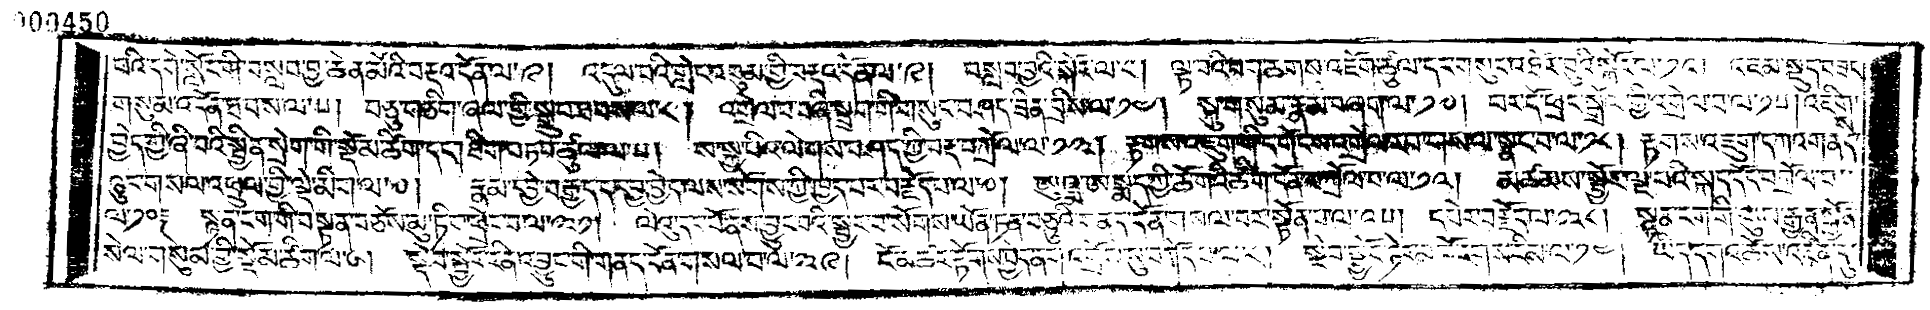པའི་དགེ་སློང་གི་བསླབ་བྱ་ཆེན་མོའི་བརྡའ་དོན་ལ༩། འདུལ་བའི་གླེང་འབུམ་གྱི་བརྡའ་དོན་ལ༩། བསླབ་བྱའི་སྐོར་ལ༨། ལྟ་བའི་བག་ཆགས་འཇོག་ཚུལ་དང་གསུང་འཐོར་བུའི་སྐོར་ལ༡༢། འཇམ་སྡུད་བཟང་
གསུམ་འདོན་ཐབས་ལ ༥། བཅུ་གཅིག་ཞལ་གྱི་སྒྲུབ་ཐབས་ལ ༨། འགྲེལ་བ་བཞི་སྦྲག་གི་གསུང་བཤད་ཟིན་བྲིས་ལ༡༤། སྒྲུབ་གསུམ་རྣམ་བཞག་ལ༡༧། བར་དོ་ཕྲང་སྒྲོལ་གྱི་འགྲེལ་བ་ལ ༡༥། འཇིག་
བྱེད་ཀྱི་ཞི་བའི་སྦྱིན་སྲེག་གི་སྡོམ་ཚིག་དང་། ཐིག་བཏགས་ཚུལ་ལ༥། ས་སྐྱའི་ལེགས་བཤད་ཀྱི་བརྡ་བཀྲོལ་ལ༡༣། རྟགས་འཇུག་གི་དགོངས་འགྲེལ་རབ་གསལ་སྣང་བ་ལ ༡༨། རྟགས་འཇུག་དཀའ་གནད་
ཉུང་གསལ་འཕྲུལ་གྱི་ལྡེ་མིག་ལ ༧། རྣམ་དབྱེ་བརྒྱད་དང་བྱ་བྱེད་ལས་སོགས་ཀྱི་ཁྱད་པར་བརྗོད་པ་ལ༧། ཨུཥྨ་ཨ་སྨད་ཀྱི་ཆོ་གའི་ཚིག་དོན་བཀྲོལ་བ་ལ༡༢། མཚམས་སྦྱོར་ལྔ་བའི་སྐད་དོད་བཀྲོལ་བ་
ལ༡༠༈ སྙན་ངག་གི་བསྟན་བཅོས་མུ་ཏིག་ཕྲེང་བ་ལ༣༡། ལེའུ་དང་པོ་ནས་བྱུང་བའི་སྦྱར་བ་སོགས་ཡོན་ཏན་བཅུའི་གནད་དོན་གསལ་བར་སྟོན་པ་ལ ༢༥། དཔེར་བརྗོད་ལ ༣༨། སྙན་ངག་གི་ལུས་རྒྱན་སྐྱོན་
སེལ་གསུམ་གྱི་སྡོམ་ཚིག་ལ༦། སྡེབ་སྦྱོར་རིན་འབྱུང་གི་གནད་དོན་གསལ་བ་ལ༣༩། ངོ་མཚར་རྟོགས་བྱེ་དང་འགྲོས་སུ་བཀོད་པ་ལ༨། སྡེབ་སྦྱོར་ཉེར་མཁོ་རགས་རིམ་ལ ༡༤། ཡིད་དགའ་ཆོས་འཛིན་དུ་